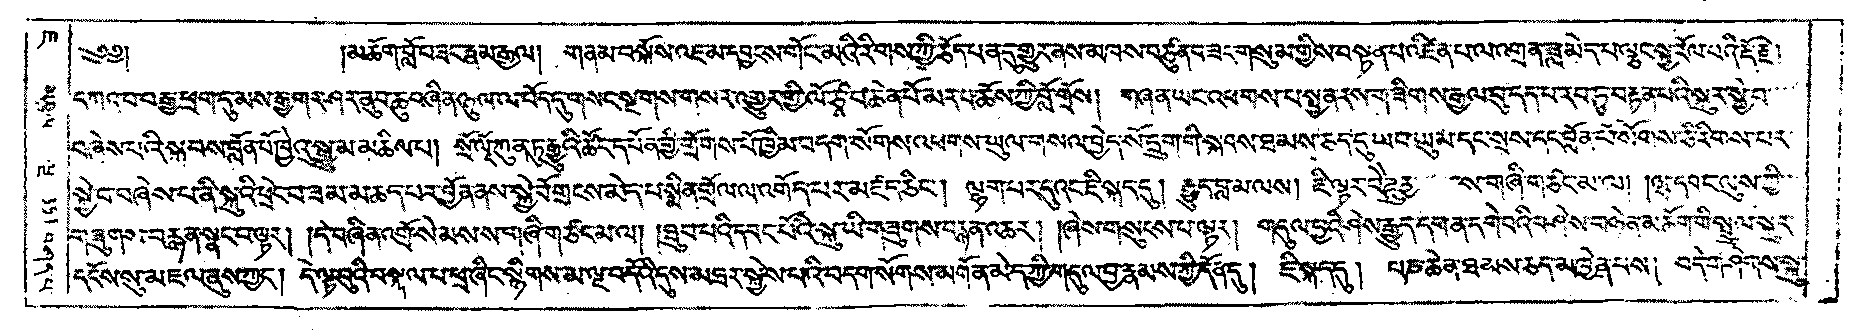༄༅། །མཆོག་བློ་བཟང་རྣམ་རྒྱལ། གནམ་བསྐོས་འཇམ་དབྱངས་གོང་མའི་རིགས་ཀྱི་ཅོད་པན་དུ་གྱུར་ནས་མཁས་བཙུན་བཟང་གསུམ་གྱིས་བསྟན་པ་འཛིན་པ་ལ་འགྲན་ཟླ་མེད་པ་ལྕང་སྐྱ་རོལ་པའི་རྡོ་རྗེ།
དཀའ་བ་བརྒྱ་ཕྲག་དུ་མས་རྒྱ་གར་ཤར་ནུབ་ཆུ་བཞིན་ཉུལ་ལ་བོད་དུ་གསང་སྔགས་གསར་འགྱུར་གྱི་ལོ་ཙཱ་བ་ཆེན་པོ་མར་པ་ཆོས་ཀྱི་བློ་གྲོས། གཞན་ཡང་འཕགས་པ་སྤྱན་རས་གཟིགས་རྒྱལ་བུ་དད་པ་རབ་ཏུ་བརྟན་པའི་སྐུར་སྐྱེ་བ་
བཞེས་པའི་སྐབས་བློན་པོ་ཁྱེའུ་སྒྱུ་མ་མཆིལ་པ། སྲོ་ལོང་ཀུན་ཏུ་རྒྱུའི་ཚོང་དཔོན་གྱི་གྲོགས་པོ་ཁྱིམ་བདག་སོགས་འཕགས་ཡུལ་གསལ་བྱེད་སོ་དྲུག་གི་སྐབས་ཐམས་ཅད་དུ་ཡབ་ཡུམ་དང་སྲས་དང་བློན་པོ་སོགས་ཅི་རིགས་པར་
སྐྱེ་བ་བཞེས་པ་ནི་སྐུའི་ཕྲེང་བ་ཟམ་མ་ཆད་པར་བྱོན་ནས་སྐྱེ་བོ་གྲངས་མེད་པ་སྨིན་གྲོལ་ལ་འགོད་པར་མཛད་ཅིང་། ལྷག་པར་དུའང་ཇི་སྐད་དུ། རྒྱུད་བླ་མ་ལས། ཇི་ལྟར་བཻཌཱུ་རྱ་ས་གཞི་གཙང་མ་ལ། །ལྷ་དབང་ལུས་ཀྱི་
གཟུགས་བརྙན་སྣང་བ་ལྟར། །དེ་བཞིན་འགྲོ་སེམས་ས་གཞི་གཙང་མ་ལ། །ཐུབ་པའི་དབང་པོའི་སྐུ་ཡི་གཟུགས་བརྙན་འཆར། །ཞེས་གསུངས་པ་ལྟར། གདུལ་བྱའི་ཤེས་རྒྱུད་དག་ན་དགེ་བའི་བཤེས་གཉེན་མཆོག་གི་སྤྲུལ་སྐུར་
དངོས་སུ་མཇལ་ནུས་ཀྱང་། དེ་ལྟ་བུའི་བསྐལ་པ་ཕྲ་ཞིང་སྙིགས་མ་ལྔ་བདོའི་དུས་མཐར་སྐྱེས་པའི་བདག་སོགས་མགོན་མེད་ཀྱི་གདུལ་བྱ་རྣམས་ཀྱི་དོན་དུ། ཇི་སྐད་དུ། པཎ་ཆེན་ཐམས་ཅད་མཁྱེན་པས། བདེ་གཤེགས་སྐུ་